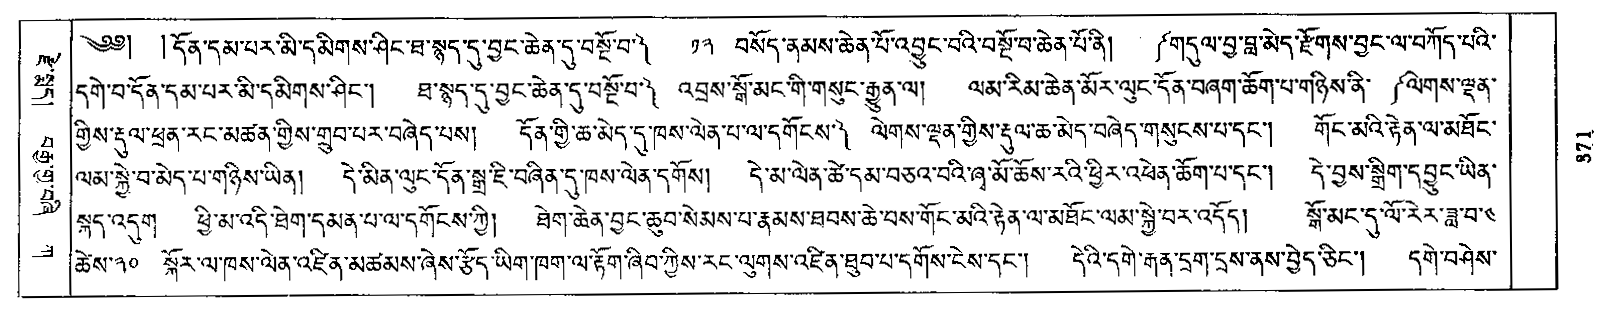༄༅། །དོན་དམ་པར་མི་དམིགས་ཤིང་ཐ་སྙད་དུ་བྱང་ཆེན་དུ་བསྔོ་བ ༡༢་བསོད་ནམས་ཆེན་པོ་འབྱུང་བའི་བསྔོ་བ་ཆེན་པོ་ནི། ?གདུལ་བྱ་བླ་མེད་རྫོགས་བྱང་ལ་བཀོད་པའི་
དགེ་བ་དོན་དམ་པར་མི་དམིགས་ཤིང་། ཐ་སྙད་དུ་བྱང་ཆེན་དུ་བསྔོ་བ་འབྲས་སྒོ་མང་གི་གསུང་རྒྱུན་ལ། ལམ་རིམ་ཆེན་མོར་ལུང་དོན་བཞག་ཆོག་པ་གཉིས་ནི། ?ལེགས་ལྡན་
གྱིས་རྡུལ་ཕྲན་རང་མཚན་གྱིས་གྲུབ་པར་བཞེད་པས། དོན་གྱི་ཆ་མེད་དུ་ཁས་ལེན་པ་ལ་དགོངས་ལེགས་ལྡན་གྱིས་རྡུལ་ཆ་མེད་བཞེད་གསུངས་པ་དང་། གོང་མའི་རྟེན་ལ་མཐོང་
ལམ་སྐྱེ་བ་མེད་པ་གཉིས་ཡིན། དེ་མིན་ལུང་དོན་སྒྲ་ཇི་བཞིན་དུ་ཁས་ལེན་དགོས། དེ་མ་ལེན་ཚེ་དམ་བཅའ་བའི་ཞྭ་མོ་ཆོས་རའི་ཕྱིར་འཕེན་ཆོག་པ་དང་། དེ་བྱས་སྒྲིག་དབྱུང་ཡིན་
སྐད་འདུག་ཕྱི་མ་འདི་ཐེག་དམན་པ་ལ་དགོངས་ཀྱི། ཐེག་ཆེན་བྱང་ཆུབ་སེམས་པ་རྣམས་ཐབས་ཆེ་བས་གོང་མའི་རྟེན་ལ་མཐོང་ལམ་སྐྱེ་བར་འདོད། སྒོ་མང་དུ་ལོ་རེར་ཟླ་བ ༤
ཚེས ༢༠་སྐོར་ལ་ཁས་ལེན་འཛིན་མཚམས་ཞེས་རྩོད་ཡིག་ཁག་ལ་རྟོག་ཞིབ་ཀྱིས་རང་ལུགས་འཛིན་ཐུབ་པ་དགོས་ངེས་དང་། དེའི་དགེ་རྒན་དྲག་དྲས་ནས་བྱེད་ཅིང་། དགེ་བཤེས་